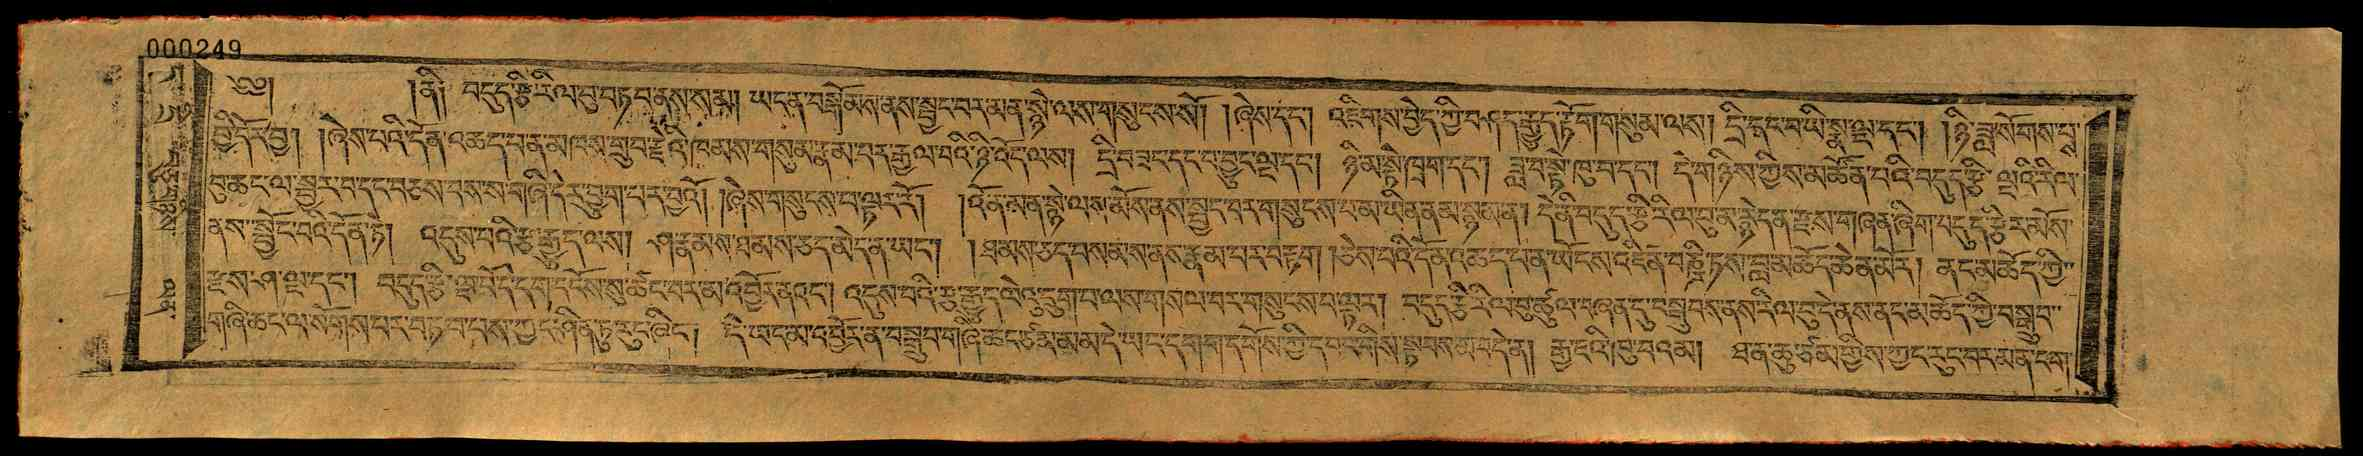༄༅། །ནི༑ བདུད་རྩི་རིལ་བུ་བཏབ་ནས་སམ། ཡང་ན་བསྒོམས་ནས་སྦྱང་བར་མན་སྙེ་ལས་གསུངས་སོ། །ཞེས་དང་། འཇིགས་བྱེད་ཀྱི་བཤད་རྒྱུད་རྟོག་གསུམ་ལས། དྲི་དང་བ་ཡི་སྣ་ལྔ་དང་། །ཉི་ཟླ་སོགས་པས་
བྱི་དོར་བྱ། །ཞེས་པའི་དོན་འཆད་པ་ན་མཁས་གྲུབ་རྗེའི་ཁམས་གསུམ་རྣམ་པར་རྒྱལ་བའི་ཉི་འོད་ལས། དྲི་བཟང་དང་བ་བྱུང་ལྔ་དང་། ཉི་མ་སྟེ་ཁྲག་དང་། ཟླ་བ་སྟེ་ཁུ་བ་དང་། དེ་གཉིས་ཀྱིས་མཚོན་པའི་བདུད་རྩི་ལྔའི་རིལ་
བུ་ཆ་དལ་སྦྱར་བ་དང་བཅས་པས་ས་གཞི་དེར་བྱུག་པར་བྱའོ། །ཞེས་གསུངས་པ་ལྟར་རོ། །འོ་ན་མན་སྙེ་ལས་མོས་ནས་སྦྱང་བར་གསུངས་པ་མ་ཡིན་ནམ་སྙམ་ན། དེ་ནི་བདུད་རྩི་རིལ་བུ་མ་རྙེད་ན་རྫས་གཞན་ཞིག་བདུད་རྩིར་མོས་
ནས་སྦྱོང་བའི་དོན་ཏེ། འདུས་པའི་རྩ་རྒྱུད་ལས། ཤ་རྣམས་ཐམས་ཅད་མེད་ན་ཡང་། །ཐམས་ཅད་བསམས་ནས་རྣམ་པར་བརྟག །ཅེས་པའི་དོན་འཆད་པ་ན་ཡོངས་འཛིན་པཎྜི་ཏས་བླ་མཆོད་ཆེན་མོར། ནང་མཆོད་ཀྱི་
རྫས་ཤ་ལྔ་དང་། བདུད་རྩི་ལྔ་པོ་དེ་དག་དངོས་སུ་ཚང་བར་མ་འབྱོར་ནའང་། འདུས་པའི་རྩ་རྒྱུད་ལེའུ་དྲུག་པ་ལས་གསལ་བར་གསུངས་པ་ལྟར། བདུད་རྩི་རིལ་བུ་ཚུལ་བཞིན་དུ་བསྒྲུབས་ནས་རིལ་བུ་དེ་ནས་ནང་མཆོད་ཀྱི་བསྒྲུབ་
གཞི་ཆང་ལ་སོགས་པར་བཏབ་པས་ཀྱང་ཤིན་ཏུ་རུང་ཞིང་། དེ་ཡང་མ་འབྱོར་ན་བསྒྲུབ་གཞི་ཆང་ཙམ་མམ་དེ་ཡང་དགག་དགོས་ཀྱི་དབང་གིས་སྟབས་མ་བདེ་ན། རྒྱ་ཇའི་ཁུ་པའམ། ཐ་ན་ཆུ་ཙམ་གྱིས་ཀྱང་རུང་བར་མན་ངག་